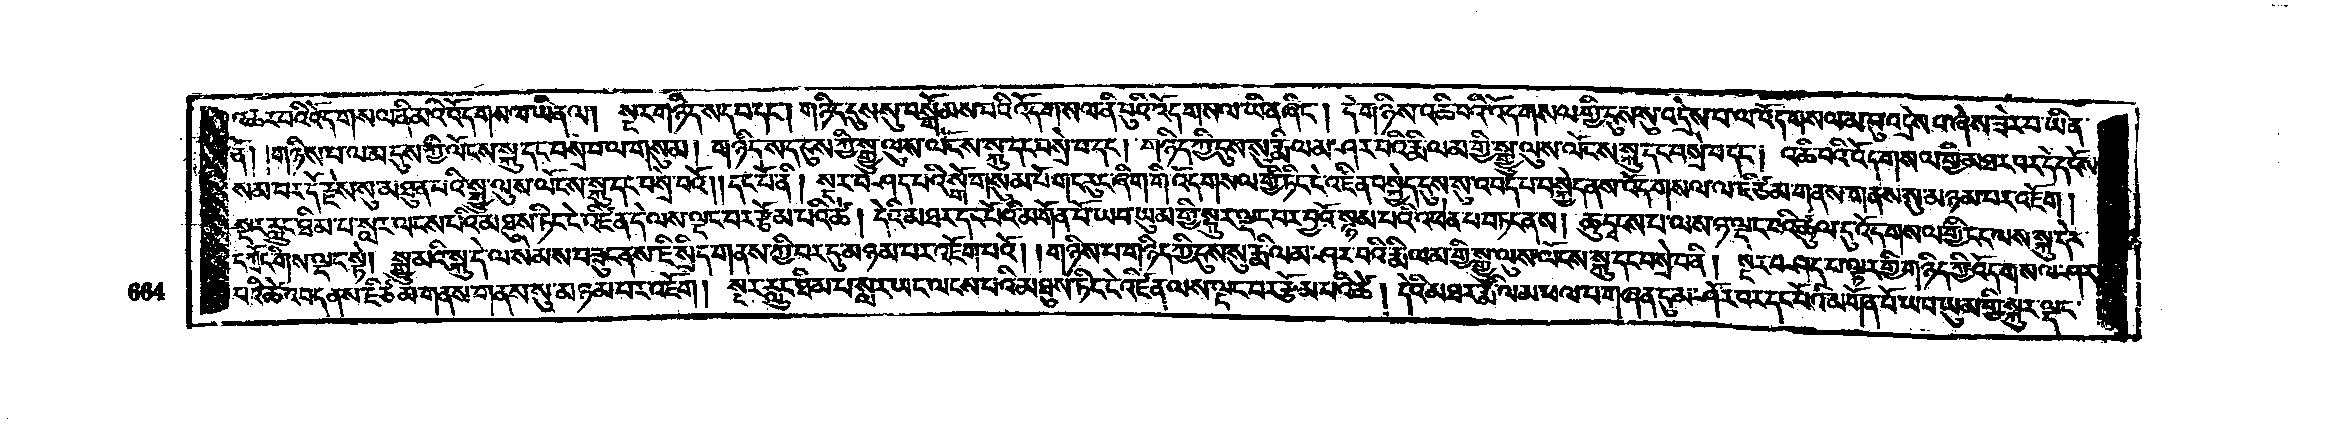འཆར་བའི་འོད་གསལ་ནི་མའི་འོད་གསལ་ཡིན་ལ། སྔར་གཉིད་སད་པ་དང་། གཉིད་དུས་སུ་བསྒོམས་པའི་འོད་གསལ་ནི་བུའི་འོད་གསལ་ཡིན་ཞིང་། དེ་གཉིས་འཆི་བའི་འོད་གསལ་གྱི་དུས་སུ་འདྲེས་པ་ལ་འོད་གསལ་མ་བུ་འདྲེས་པ་ཞེས་ཟེར་བ་ཡིན་
ནོ། །གཉིས་པ་ལམ་དུས་ཀྱི་ལོངས་སྐུ་དང་བསྲེ་བ་ལ་གསུམ། གཉིད་སད་དུས་ཀྱི་སྒྱུ་ལུས་ལོངས་སྐུ་དང་བསྲེ་བ་དང་། གཉིད་ཀྱི་དུས་སུ་རྨི་ལམ་ཤར་བའི་རྨི་ལམ་གྱི་སྒྱུ་ལུས་ལོང་སྐུ་དང་བསྲེ་བ་དང་། འཆི་བའི་འོད་གསལ་གྱི་མཐར་བར་དེ་དངོས་
སམ་བར་དོ་རྗེས་སུ་མཐུན་པའི་སྒྱུ་ལུས་ལོངས་སྐུ་དང་བསྲེ་བའོ། །དང་པོ་ནི། སྔར་བཤད་པའི་སྒོ་གསུམ་པོ་གང་རུང་ཞིག་གི་འོད་གསལ་གྱི་ཏིང་ངེ་འཛིན་བསྐྱེད་དུས་སུ་འབད་པ་བསྐྱེད་ནས་འོད་གསལ་ལ་ཇི་ཙམ་གནས་གནས་སུ་མཉམ་པར་འཇོག །
སྔར་རླུང་ཐིམ་པ་སླར་ལངས་པའི་མཐུས་ཏིང་ངེ་འཛིན་དེ་ལས་ལྡང་བར་རྩོམ་པའི་ཚེ། དེའི་མཐར་དང་པོའི་མགོན་པོ་ཡབ་ཡུམ་གྱི་སྐུར་ལྡང་བར་བྱའོ་སྙམ་པའི་འཕེན་པ་བཏང་ནས། ཆུ་དྭངས་པ་ལས་ཉ་ལྡང་བའི་ཚུལ་དུ་འོད་གསལ་གྱི་ངང་ལས་སྐུ་དེར་
དཀྲོང་གིས་ལྡང་སྟེ། སྒྱུ་མའི་སྐུ་དེ་ལ་སེམས་བཟུང་ནས་ཇི་སྲིད་གནས་ཀྱི་བར་དུ་མཉམ་པར་འཇོག་པའོ། །གཉིས་པ་གཉིད་ཀྱི་དུས་སུ་རྨི་ལམ་ཤར་བའི་རྨི་ལམ་གྱི་སྒྱུ་ལུས་ལོངས་སྐུ་དང་བསྲེ་བ་ནི། སྔར་བཤད་པ་ལྟར་གྱི་གཉིད་ཀྱི་འོད་གསལ་ཤར་
པའི་ཚེ་འབད་ནས་ཇི་ཙམ་གནས་གནས་སུ་མཉམ་པར་འཇོག །སྔར་རླུང་ཐིམ་པ་སླར་ཡང་ལངས་པའི་མཐུས་ཏིང་ངེ་འཛིན་ལས་ལྡང་བར་རྩོམ་པའི་ཚེ། དེའི་མཐར་རྨི་ལམ་ཕལ་པ་གཞན་དུ་མ་ཤོར་བར་དང་པོའི་མགོན་པོ་ཡབ་ཡུམ་གྱི་སྐུར་ལྡང་